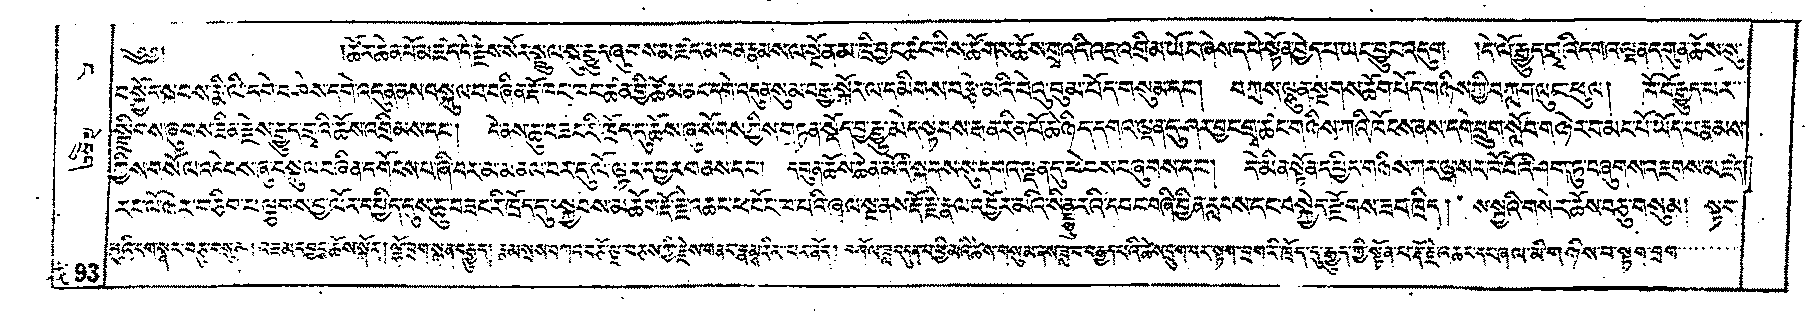༄༅། །ཚོར་ཆེན་པོ་མཛད་དེ་རྗེས་སོར་སྤྲུལ་སྐུ་རྒྱུད་ཞུགས་མཛད་མཁན་རྣམས་ལ་སྔོན་མ་ཁྲི་བྱང་ཚང་གིས་ཚོགས་ཆོས་གྲྭ་འདི་འདྲ་འགྲིམ་ཡོང་ཞེས་དཔེ་སྟོན་བྱེད་པ་ཡང་བྱུང་འདུག །དེ་ལོ་རྒྱུད་གྲྭའི་དགའ་ལྡན་དགུན་ཆོས་སུ་
བསྐྱོད་སྐབས་རྨི་ལི་དགེ་བཤེས་དགེ་འདུན་ནས་བསྐུལ་བ་བཞིན་རྡོ་ཁང་ཁང་ཚན་གྱི་ཚོམ་ནང་དགེ་འདུན་སུམ་བརྒྱ་སྐོར་ལ་དམིགས་བརྩེ་མའི་བེའུ་བུམ་པོད་གསུམ་དང་། བཀྲས་ལྷུན་སྔགས་ཆོག་པོད་གཉིས་ཀྱི་བཀླག་ལུང་ཕུལ། ཁོ་བོ་རྒྱུད་པར་
སྒྲིགས་ཞུགས་ཟིན་རྗེས་རྒྱུད་གྲྭའི་ཆོས་འགྲིམས་དང་། དེ་ནས་ཆུ་བཟང་རི་ཁྲོད་དུ་ཆོས་ཞུ་སོགས་ཀྱིས་གཏན་སྡོད་བྱ་རྒྱུ་མེད་སྟབས་རྒན་རིན་པོ་ཆེ་ཉིད་དགའ་ལྡན་དུ་ཤར་བྱང་གྲྭ་ཚང་གཉིས་ཀའི་ཁོངས་ནས་དགེ་ཕྲུག་སློབ་གཉེར་བ་མང་པོ་ཡོད་པ་རྣམས་
ཀྱིས་གསོལ་འདེབས་ཞུ་བསྐུལ་བཞིན་དགོངས་པ་ཞི་བར་མ་མནལ་བར་དུ་ལོ་ལྟར་དབྱར་གནས་དང་། དགུན་ཆོས་ཆེན་མོའི་སྐབས་སུ་དགའ་ལྡན་དུ་ཕེབས་བཞུགས་དང་། དེ་མིན་སྟོན་དཔྱིད་གཉིས་ཀར་ལྷ་སར་ཁོ་བོའི་ཤག་ཏུ་བཞུགས་འཇགས་མཛད།
རང་ལོ་ཉེར་གཅིག་པ་ལྕགས་བྱ་ལོར་དཔྱིད་དུས་ཆུ་བཟང་རི་ཁྲོད་དུ་༧སྐྱབས་མཆོག་རྡོ་རྗེ་འཆང་ཕ་བོང་ཁ་པའི་ཞལ་སྔ་ནས་རྡོ་རྗེ་རྣལ་འབྱོར་མའི་སིནྡྷུ་རའི་དབང་བཞི་བྱིན་རླབས་དང་བསྐྱེད་རྫོགས་ཟབ་ཁྲིད། ས་སྐྱའི་གསེར་ཆོས་བཅུ་གསུམ། སྟག་
ཕུའི་དག་སྣང་བཅུ་གསུམ། འཇམ་དབྱངས་ཆོས་སྐོར། ལྷོ་བྲག་སྙན་བརྒྱུད། རྣམ་སྲས་བཀའ་བཅོ་ལྔ་བཅས་ཀྱི་རྗེས་གནང་རྣམས་རིམ་པར་ནོད། བཤོལ་ཟླ་བདུན་པ་ཕྱི་མའི་ཚེས་གསུམ་ནས་ཟླ་བ་བརྒྱད་པའི་ཚེས་དྲུག་བར་སྟག་བྲག་རི་ཁྲོད་དུ་རྒྱུད་ཀྱི་སྟོན་པ་རྡོ་རྗེ་འཆང་དང་ཞལ་མི་གཉིས་པ་སྟག་བྲག